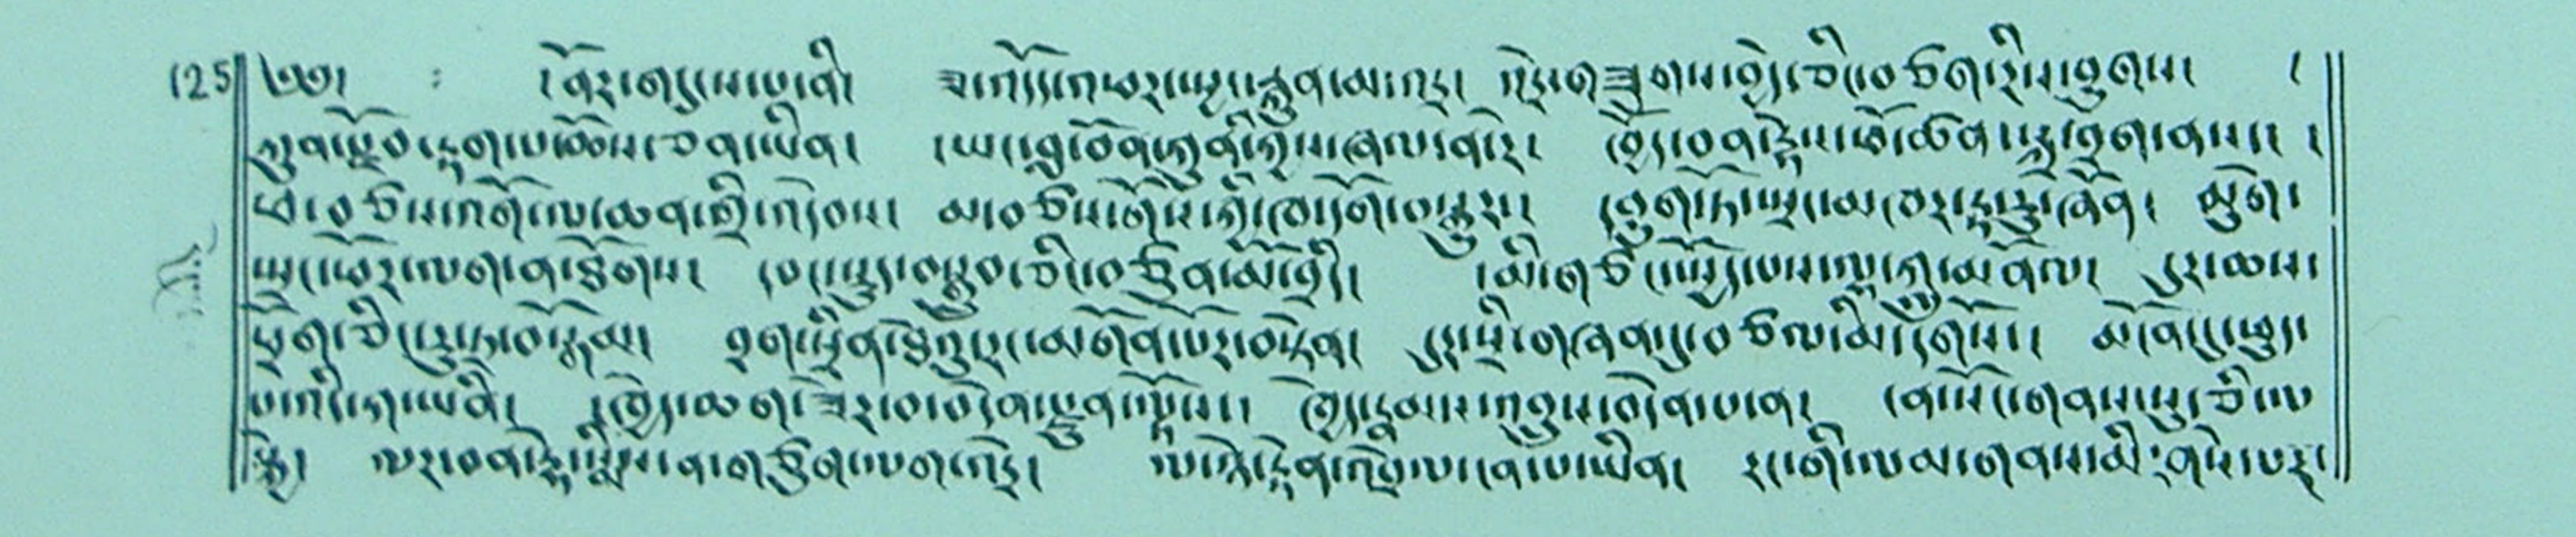༄༅། །ནོར་གདུངས་པ་ནི། ཟ་འདོད་འཕར་སྤྱང་རྐུན་མ་འདྲ། འདྲེ་གཟུགས་བྱེད་ཅིང་བཙག་རིས་བྱུགས། 
ཀུན་རྫོབ་རྟག་པ་ཆོས་ཅན་ཡིན། ཡང་བླ་བོན་ཀུན་ཀྱིས་ཞལ་ན་རེ། ཁྱོད་བན་དྷེས་ཕོ་ཚན་སྐྲ་བྲེག་ནས། 
ཕ་བཙས་འགོ་ལ་ཆན་གྲི་འདེབས། མ་བཙས་གོས་ཀྱི་ཁ་ཏོག་བསྒྱུར། དབྱུག་ཏོ་སྤྲང་ཁར་རྟ་རུ་ཞོན། མུ་གེའི་
སྤྲང་ཕོར་ལག་ན་ཐོགས། དབང་སྡུད་བསྒྲུབ་ཅིང་བཙུན་མོ་བྲིད། མི་གཙང་སྤྱོད་པས་ལྷ་ཀླུ་མནོལ། དུར་ཆས་
ཕྲོག་ཅིང་རུ་ཏྲ་བསྒོམ། བྲག་སྲིན་ཐེའུ་རང་མགོན་པོར་བསྟེན། དུར་སྲི་གཞན་དུ་བཙལ་མི་དགོས། མངོན་དུ་ཕུད་
པ་འདི་ཀ་ཡིན། ཁྱེད་ཆག་ཟེར་བ་བདེན་རྫུན་ལྟོས། ཁྱེད་རྣམས་འབྲས་བུ་བདེན་པ་ན། ངན་སོང་གནས་སུ་ཅི་ལ་
སྐྱེ། ལར་བན་དྷེ་རྨིས་ན་གཙུག་ལག་འདྲེ། ལ་ཉེ་རྟེན་འབྲེལ་ངན་པ་ཡིན། རང་གི་ལམ་གནས་མི་ཤེས་པར་